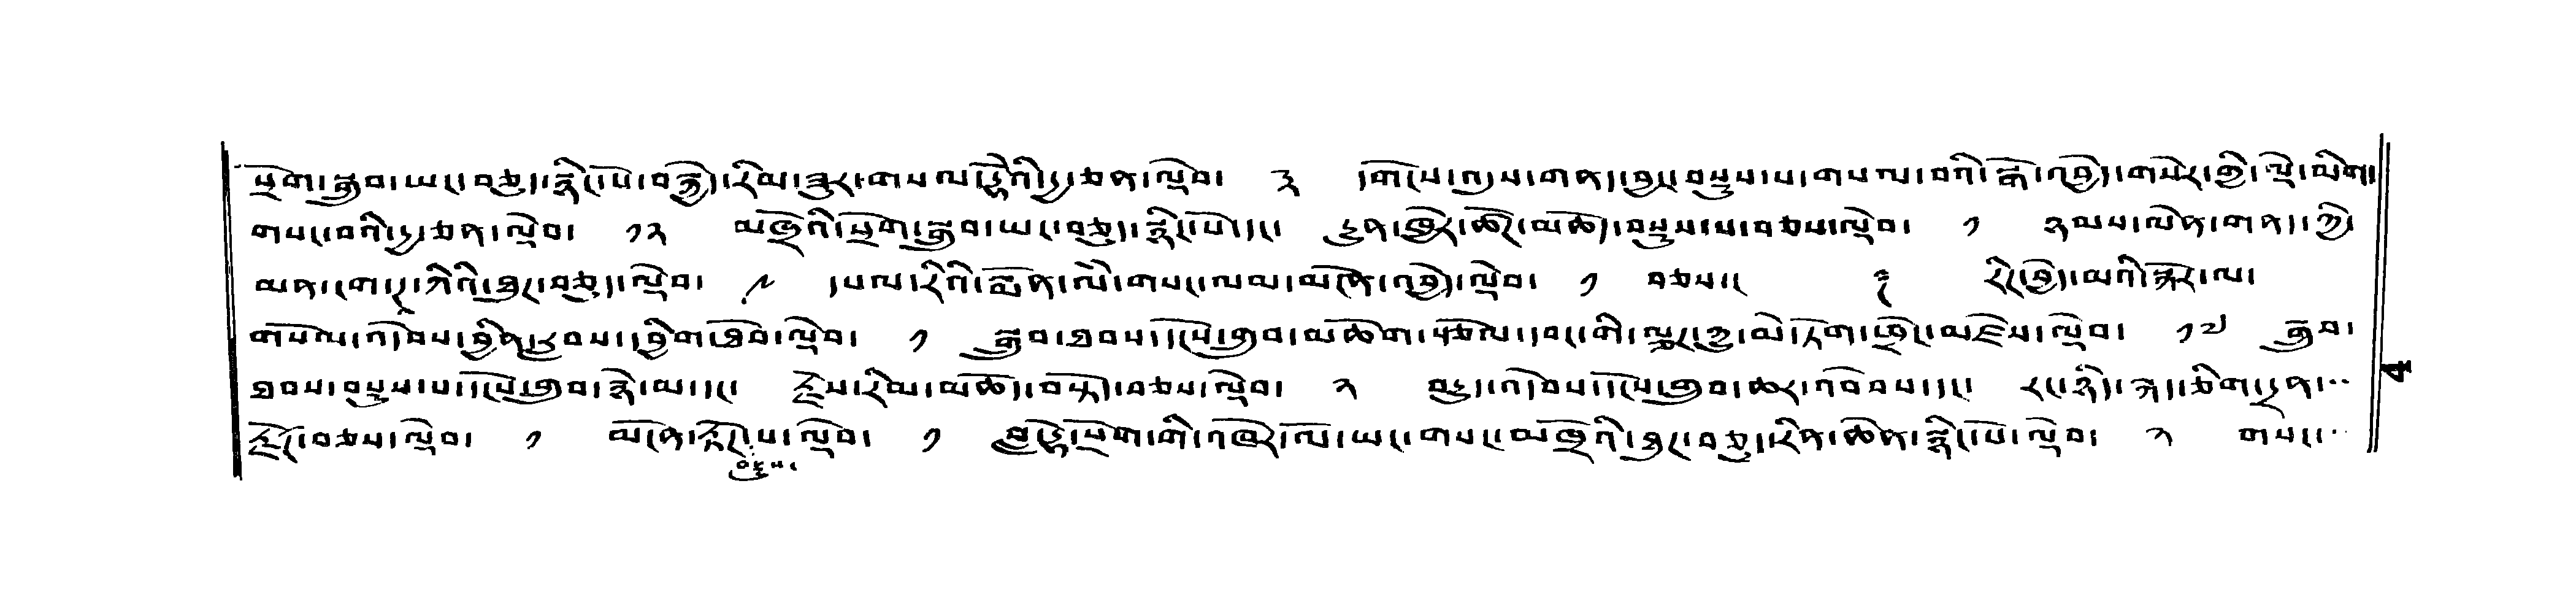སྲོག་སྒྲུབ་ཡང་བཅུད་སྙིང་པོ་བསྐྱེད་རིམ་ཟུར་གསལ་རྡོ་རྗེའི་རྒྱ་ཅན་ལྡེབ། དགོངས་འདུས་གནད་བྱང་བསྡུས་པ་གསལ་བའི་སྒོ་འབྱེད་གསེར་གྱི་ལྡེ་མིག་
གསང་བའི་རྒྱ་ཅན་ལྡེབ། མཁའ་འགྲོའི་སྲོག་སྒྲུབ་ཡང་བཅུད་སྙིང་པོ་དང་། རྒྱུན་ཁྱེར་ཚོགས་མཆོད་བསྡུས་པ་བཅས་ལྡེབ། ཉམས་ལེན་གནད་ཀྱི་
མན་ངག་ཌཱ་ཀིའི་ཐུགས་བཅུད་ལྡེབ། དཔལ་རིའི་སྨོན་ལམ་གསང་ལམ་མངོན་འབྱེད་ལྡེབ། བཅས། ༈ རིག་བྱེད་མའི་སྐོར་ལ་
གསོལ་འདེབས་བྱིན་རླབས་དབྱིག་ཐོབ་ལྡེབ། སྒྲུབ་ཐབས་དངོས་གྲུབ་མཆོག་སྩོལ་དབང་གི་ལྕགས་ཀྱུ་མེ་ཏོག་ཕྲེང་མཛེས་ལྡེབ། ༡༧ སྒྲུབ་ 
ཐབས་བསྡུས་པ་དངོས་གྲུབ་སྙེ་མ་དང་། རྫེས་རིམ་མཆོད་བསྟོད་བཅས་ལྡེབ། བརྒྱུད་འདེབས་དངོས་གྲུབ་ཆར་འབེབས་དང་། རང་ཉིད་སྐད་ཅིག་དྲན་
རྫོགས་བཅས་ལྡེབ། མངོན་རྟོགས་བསྡུས་པ་ལྡེབ། བླ་རྡོ་སྲོག་གི་འཁོར་ལོ་ཡང་གསང་མཁའ་འགྲོའི་ཐུགས་བཅུད་རིན་ཆེན་སྙིང་པོ་ལྡེབ། གསང་